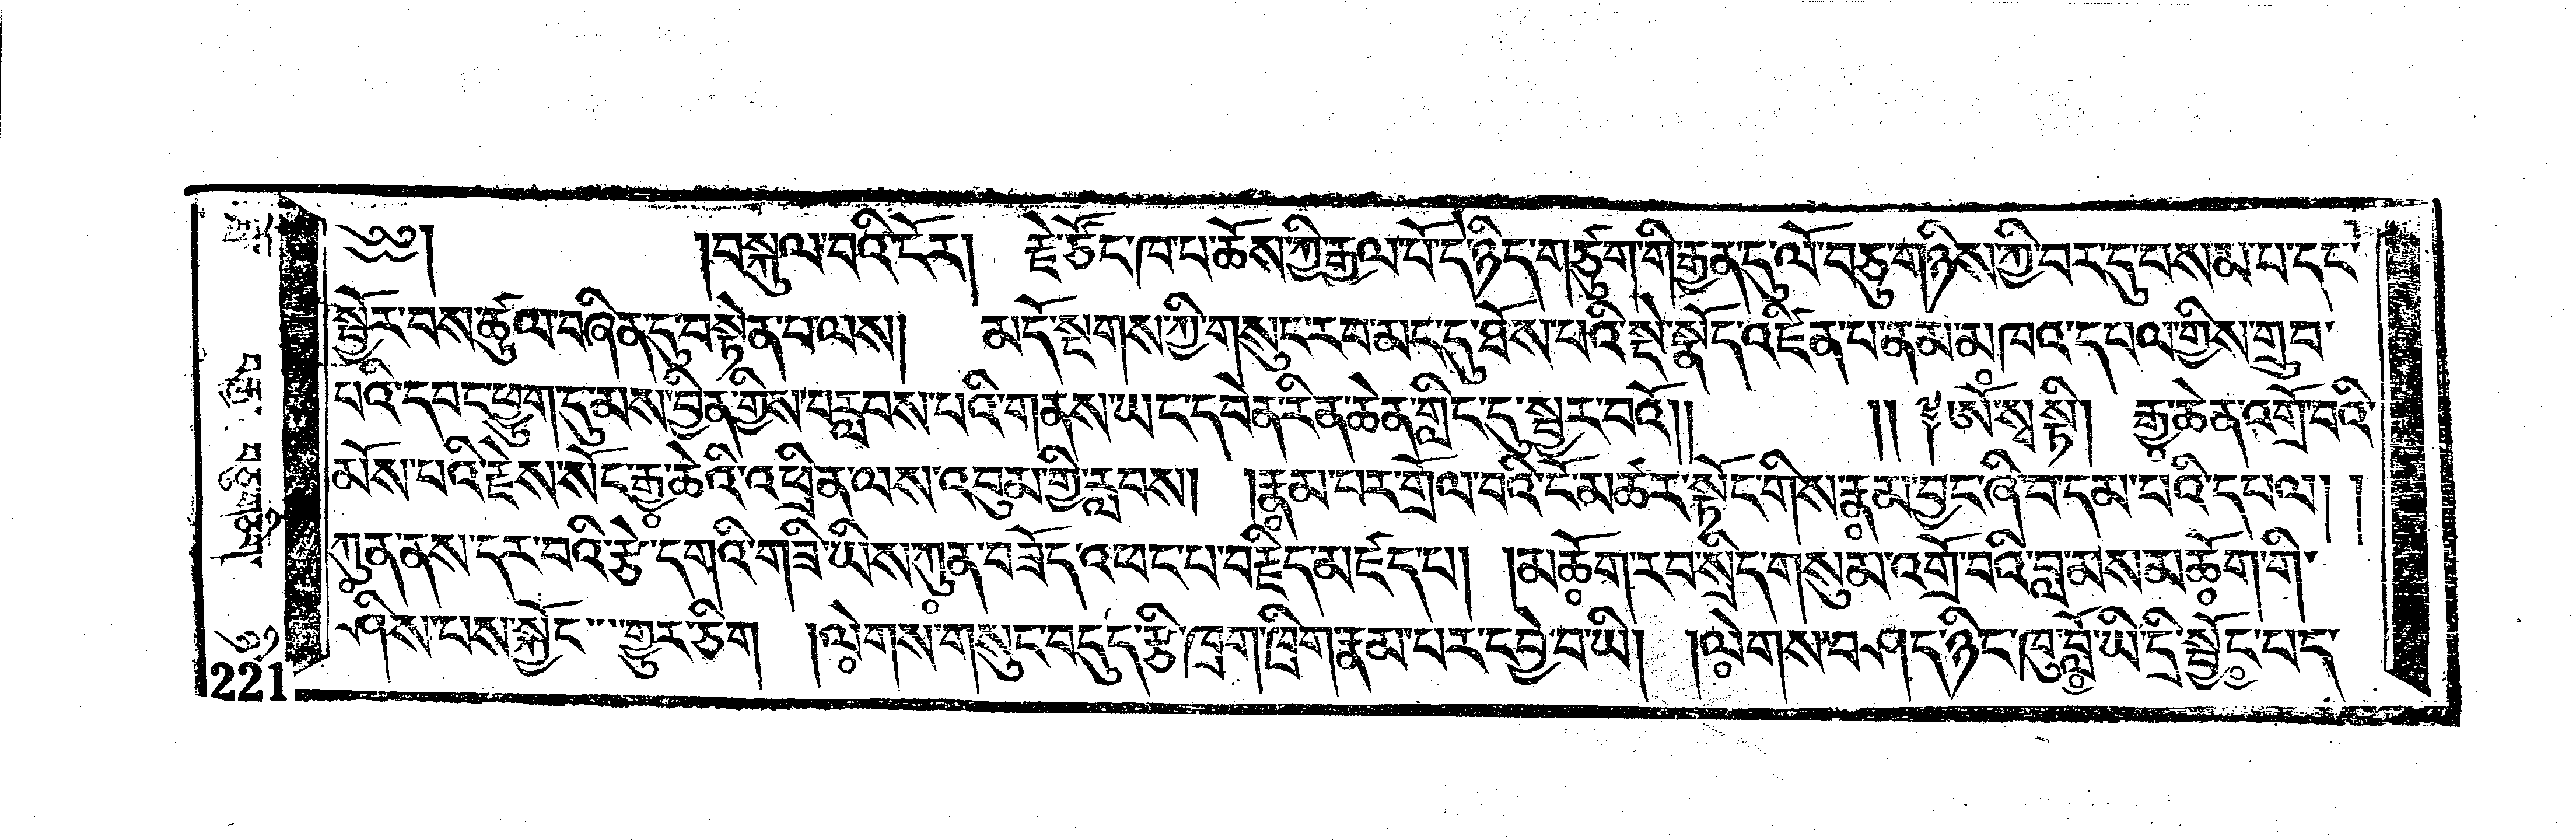༄༅། །བསྐུལ་བའི་ངོར། རྗེ་ཙོང་ཁ་པ་ཆོས་ཀྱི་རྒྱལ་པོ་དེ་ཉིད་གཙུག་གི་རྒྱན་དུ་ལོ་བཅུ་གཉིས་ཀྱི་བར་དུ་བསམ་པ་དང་
སྦྱོར་བས་ཚུལ་བཞིན་དུ་བསྟེན་པ་ལས། མདོ་སྔགས་ཀྱི་གསུང་རབ་མང་དུ་ཐོས་པའི་སྡེ་སྣོད་འཛིན་པ་ནམ་མཁའ་དཔལ་གྱིས་གྲུབ་
པའི་དབང་ཕྱུག་དུ་མས་བྱིན་གྱིས་བརླབས་པའི་གནས་ཡང་དབེན་རིན་ཆེན་གླིང་དུ་སྦྱར་བའོ།། །། ༈ ཨོཾ་སྭ་སྟི། རྒྱ྾་ཆེན་འགྲོ་བའི་
མོས་པའི་རྗེས་སོང་རྒྱ྾་ཆེའི་འཕྲིན་ལས་འབུམ་གྱི་རླབས། །རྣམ྾་པར་གྲོལ་བའི་ངོ་མཚར་སྟོང་གིས་རྣམ྾་བྱང་ཞི་བ་དམ་པའི་དཔལ། །
ཀུན྾་ནས་དར་བའི་རྩེ་དགའི་གཟི་ཡིས་ཀུན྾་བཟོད་འཕང་པ་བརྗིད་མཛད་པ། །མཆོག྾་རབ་སྲིད་གསུམ་འགྲོ་བའི་བླ་མས་མཆོག྾་གི་
ཤིས་པས་སྐྱོང་གྱུར་ཅིག །ལེགས྾་གསུང་བདུད་རྩི་ཁྲག་ཁྲིག་རྣམ་པར་དབྱེ་བ་ཡི། །ལེགས྾་བཤད་ཉིང་ཁུ་བློ྾་ཡི་དྲི་སྦྱོང྾་པད་